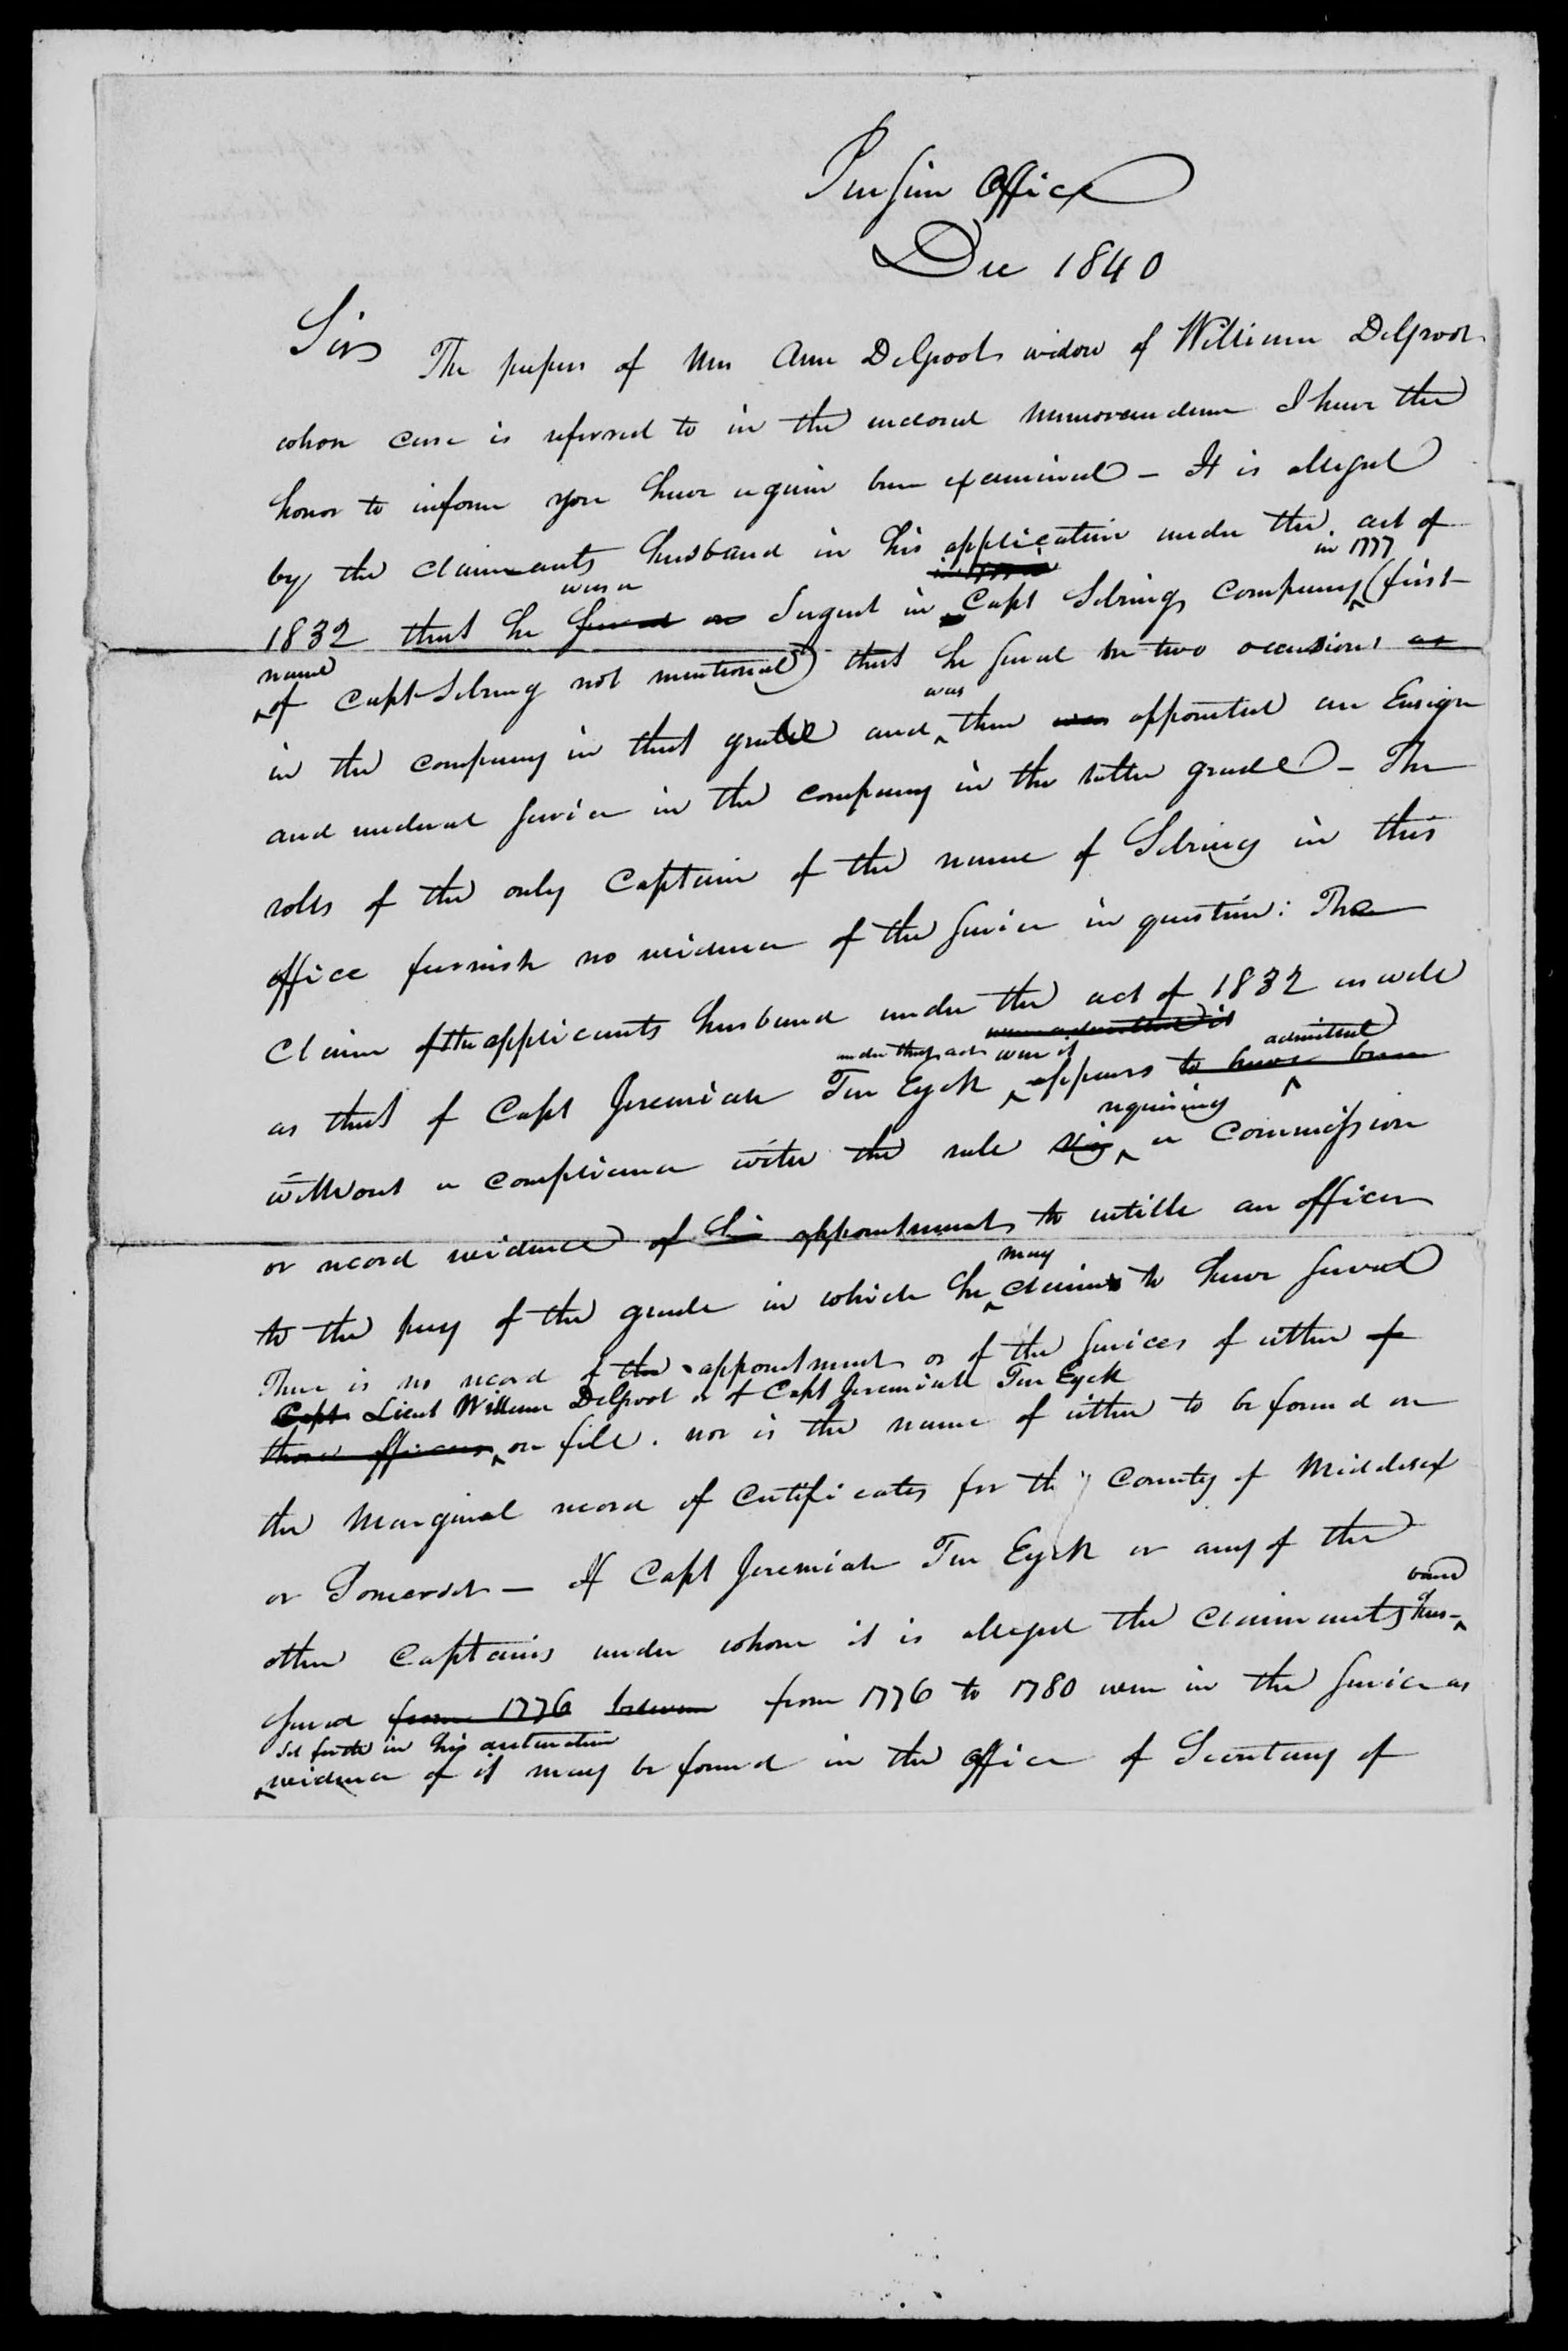Pension Office Dec 1840
Sirs  The papers of Mrs Ann De Groot widow of William De Groot whose case is referred to in the enclosed memorandum I have the honor to inform you has again been examined.  It is [illegible] by the claimants husband in his application under the act of 1832 that he ["served as" crossed out] was a Sergeant in Capt Sebring Company in 1777 (first name of Capt Sebring not mentioned) that he served on two occasions ["as" crossed out] in the company in that grade and was then ["was" crossed out] appointed an Ensign and rendered service in the company in the latter grade. The roles of the only Captain of the name of Sebring in this office furnish no evidence of the service in question: The claim of the applicants husband under the act of 1832 as well as that of Capt Jeremiah Ten Eyck [inserted text crossed out, illegible] under this act was it appears ["to have been" crossed out]  admitted[?] without a compliance with the rule requiring a commission or record evidence of his appointment to entitle an officer to the pay of the grade in which he may claim to have served. There is no record of the appointment or of the services of either of ["the officers" crossed out] ["Capt" crossed out] Lieut William De Groot or of Capt Jeremiah Ten Eyck on file nor is the name of either to be found on the marginal record of Certificates for the County of Middlesex or Somerset.  If Capt Jeremiah Ten Eyck or any of the other Captains under whom it is [illegible] the Claimants [illegible] served ["from 1776" and "between" crossed out] from 1776 to 1780 were in the service as set forth in his declaration evidence of it may be found in the office of Secretary of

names: Jeremiah Ten Eyck, Jeremiah Ten Eyck, Sebring, Ann De Groot, William De Groot, Sebring, Jeremiah Ten Eyck, William De Groot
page: 49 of 77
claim: widow's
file: W. 417, William De Groot, New Jersey